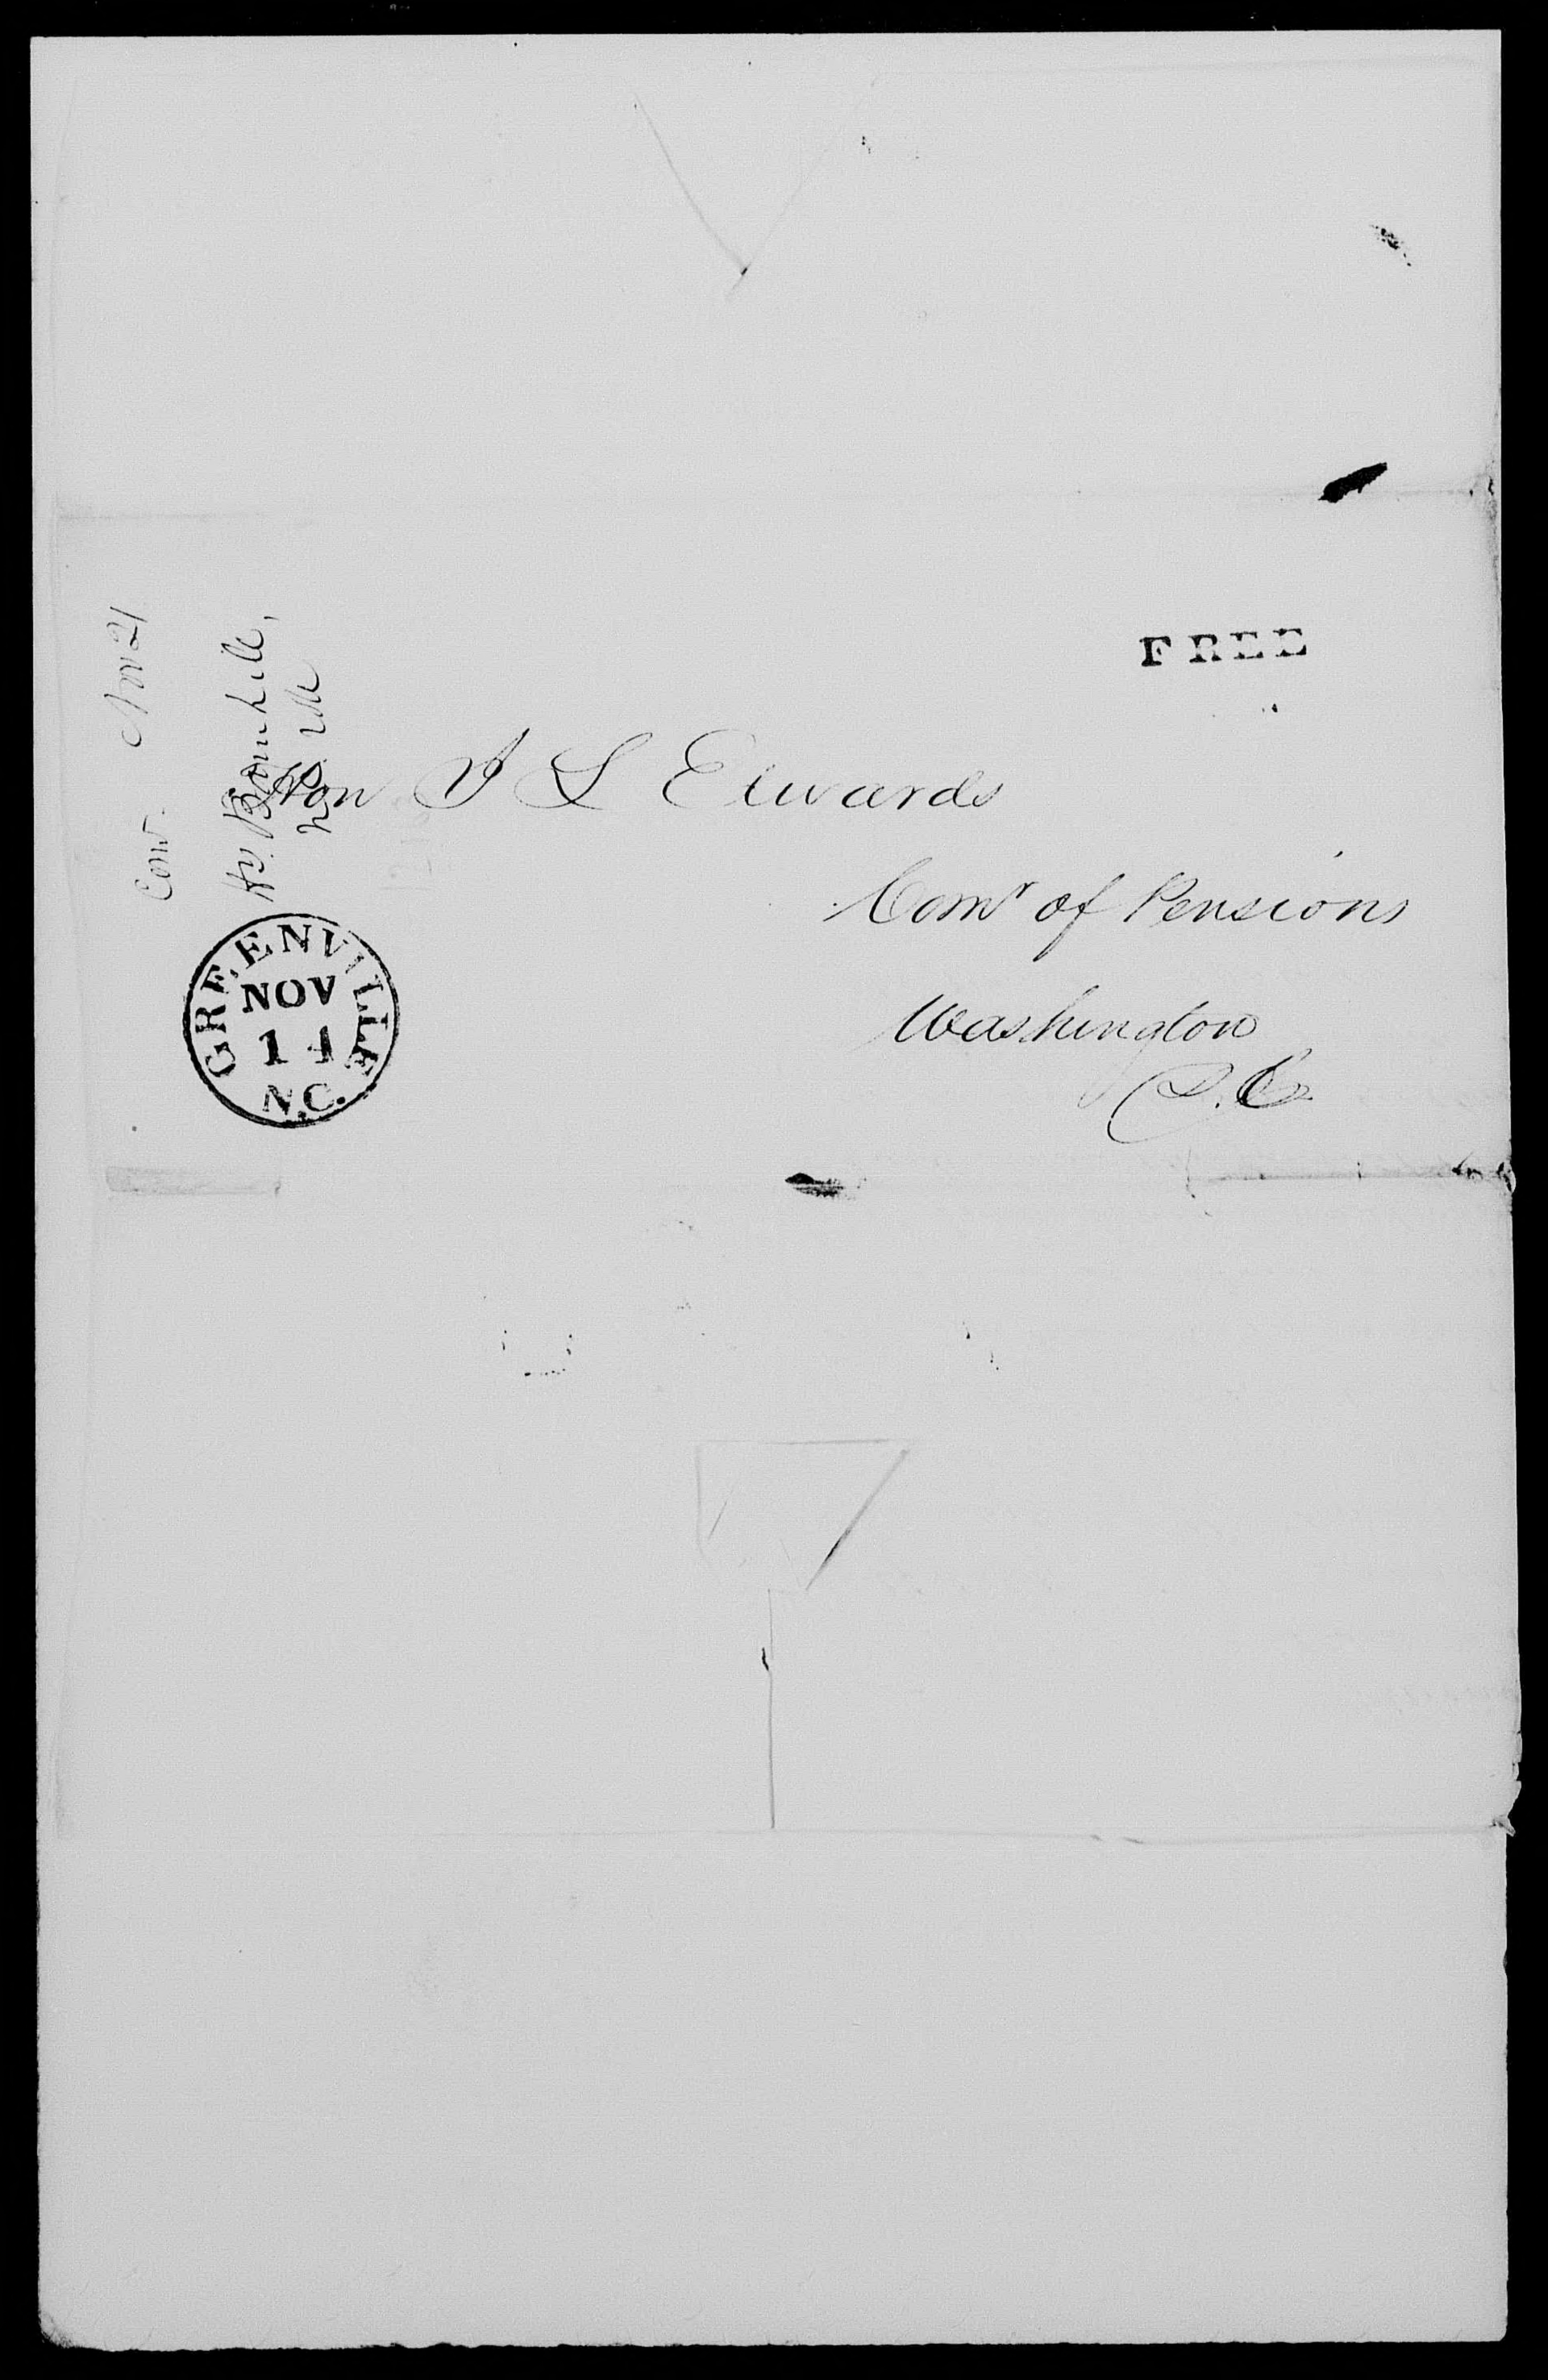conv. Nov 21
Hy. Barnhill,
N [illegible]

[round stamp:
GREENVILLE N.C.
NOV 14


[stamp: FREE]
Hon J L Edwards
Comr of Pensions
Washington
D.C.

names: J L Edwards, Barnhill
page: 24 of 42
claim: survivor's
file: S. 6579, Henry Barnhill, N. C.